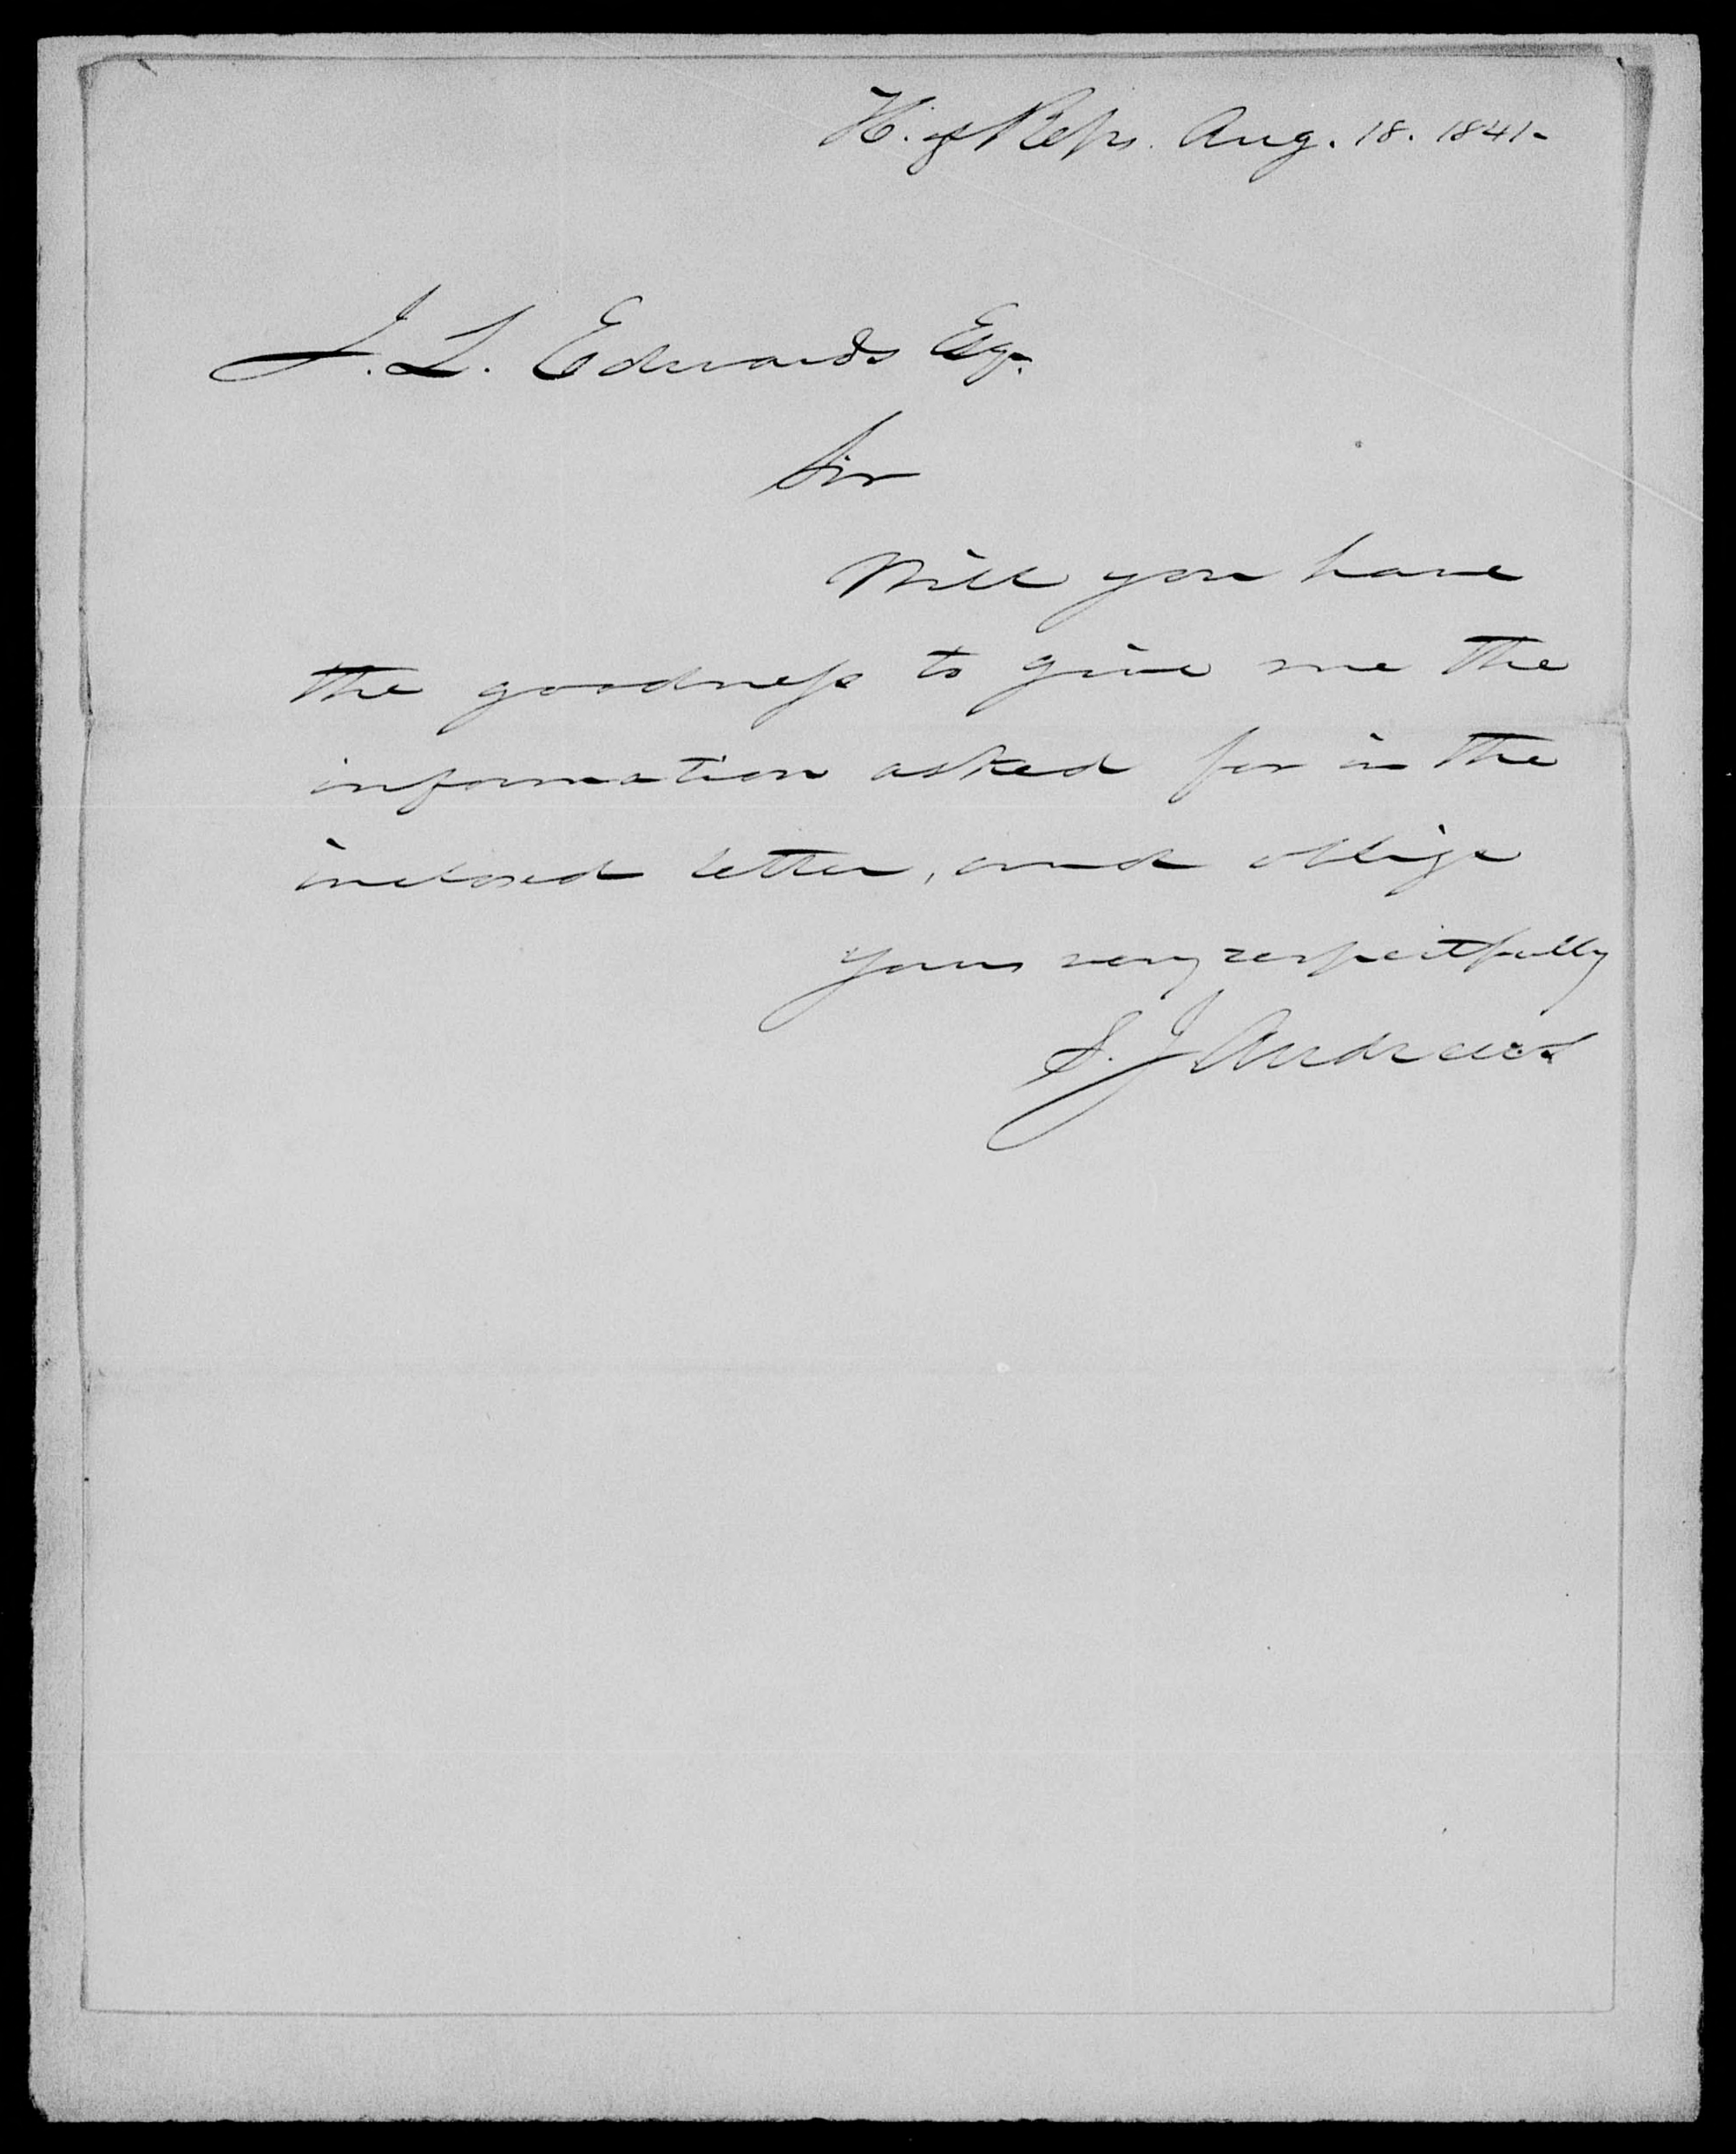H. Reps. Aug. 18. 1841-

L. Edwards Esq.

Sir
Will you have the goodness to give me the information asked for in the
inclosed letter, and oblige 
yours very respectfully
S.J. Andrews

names: J L Edwards, S J Andrews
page: 92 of 144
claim: rejected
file: R. 5208, Dennis Hopkins, N.C.